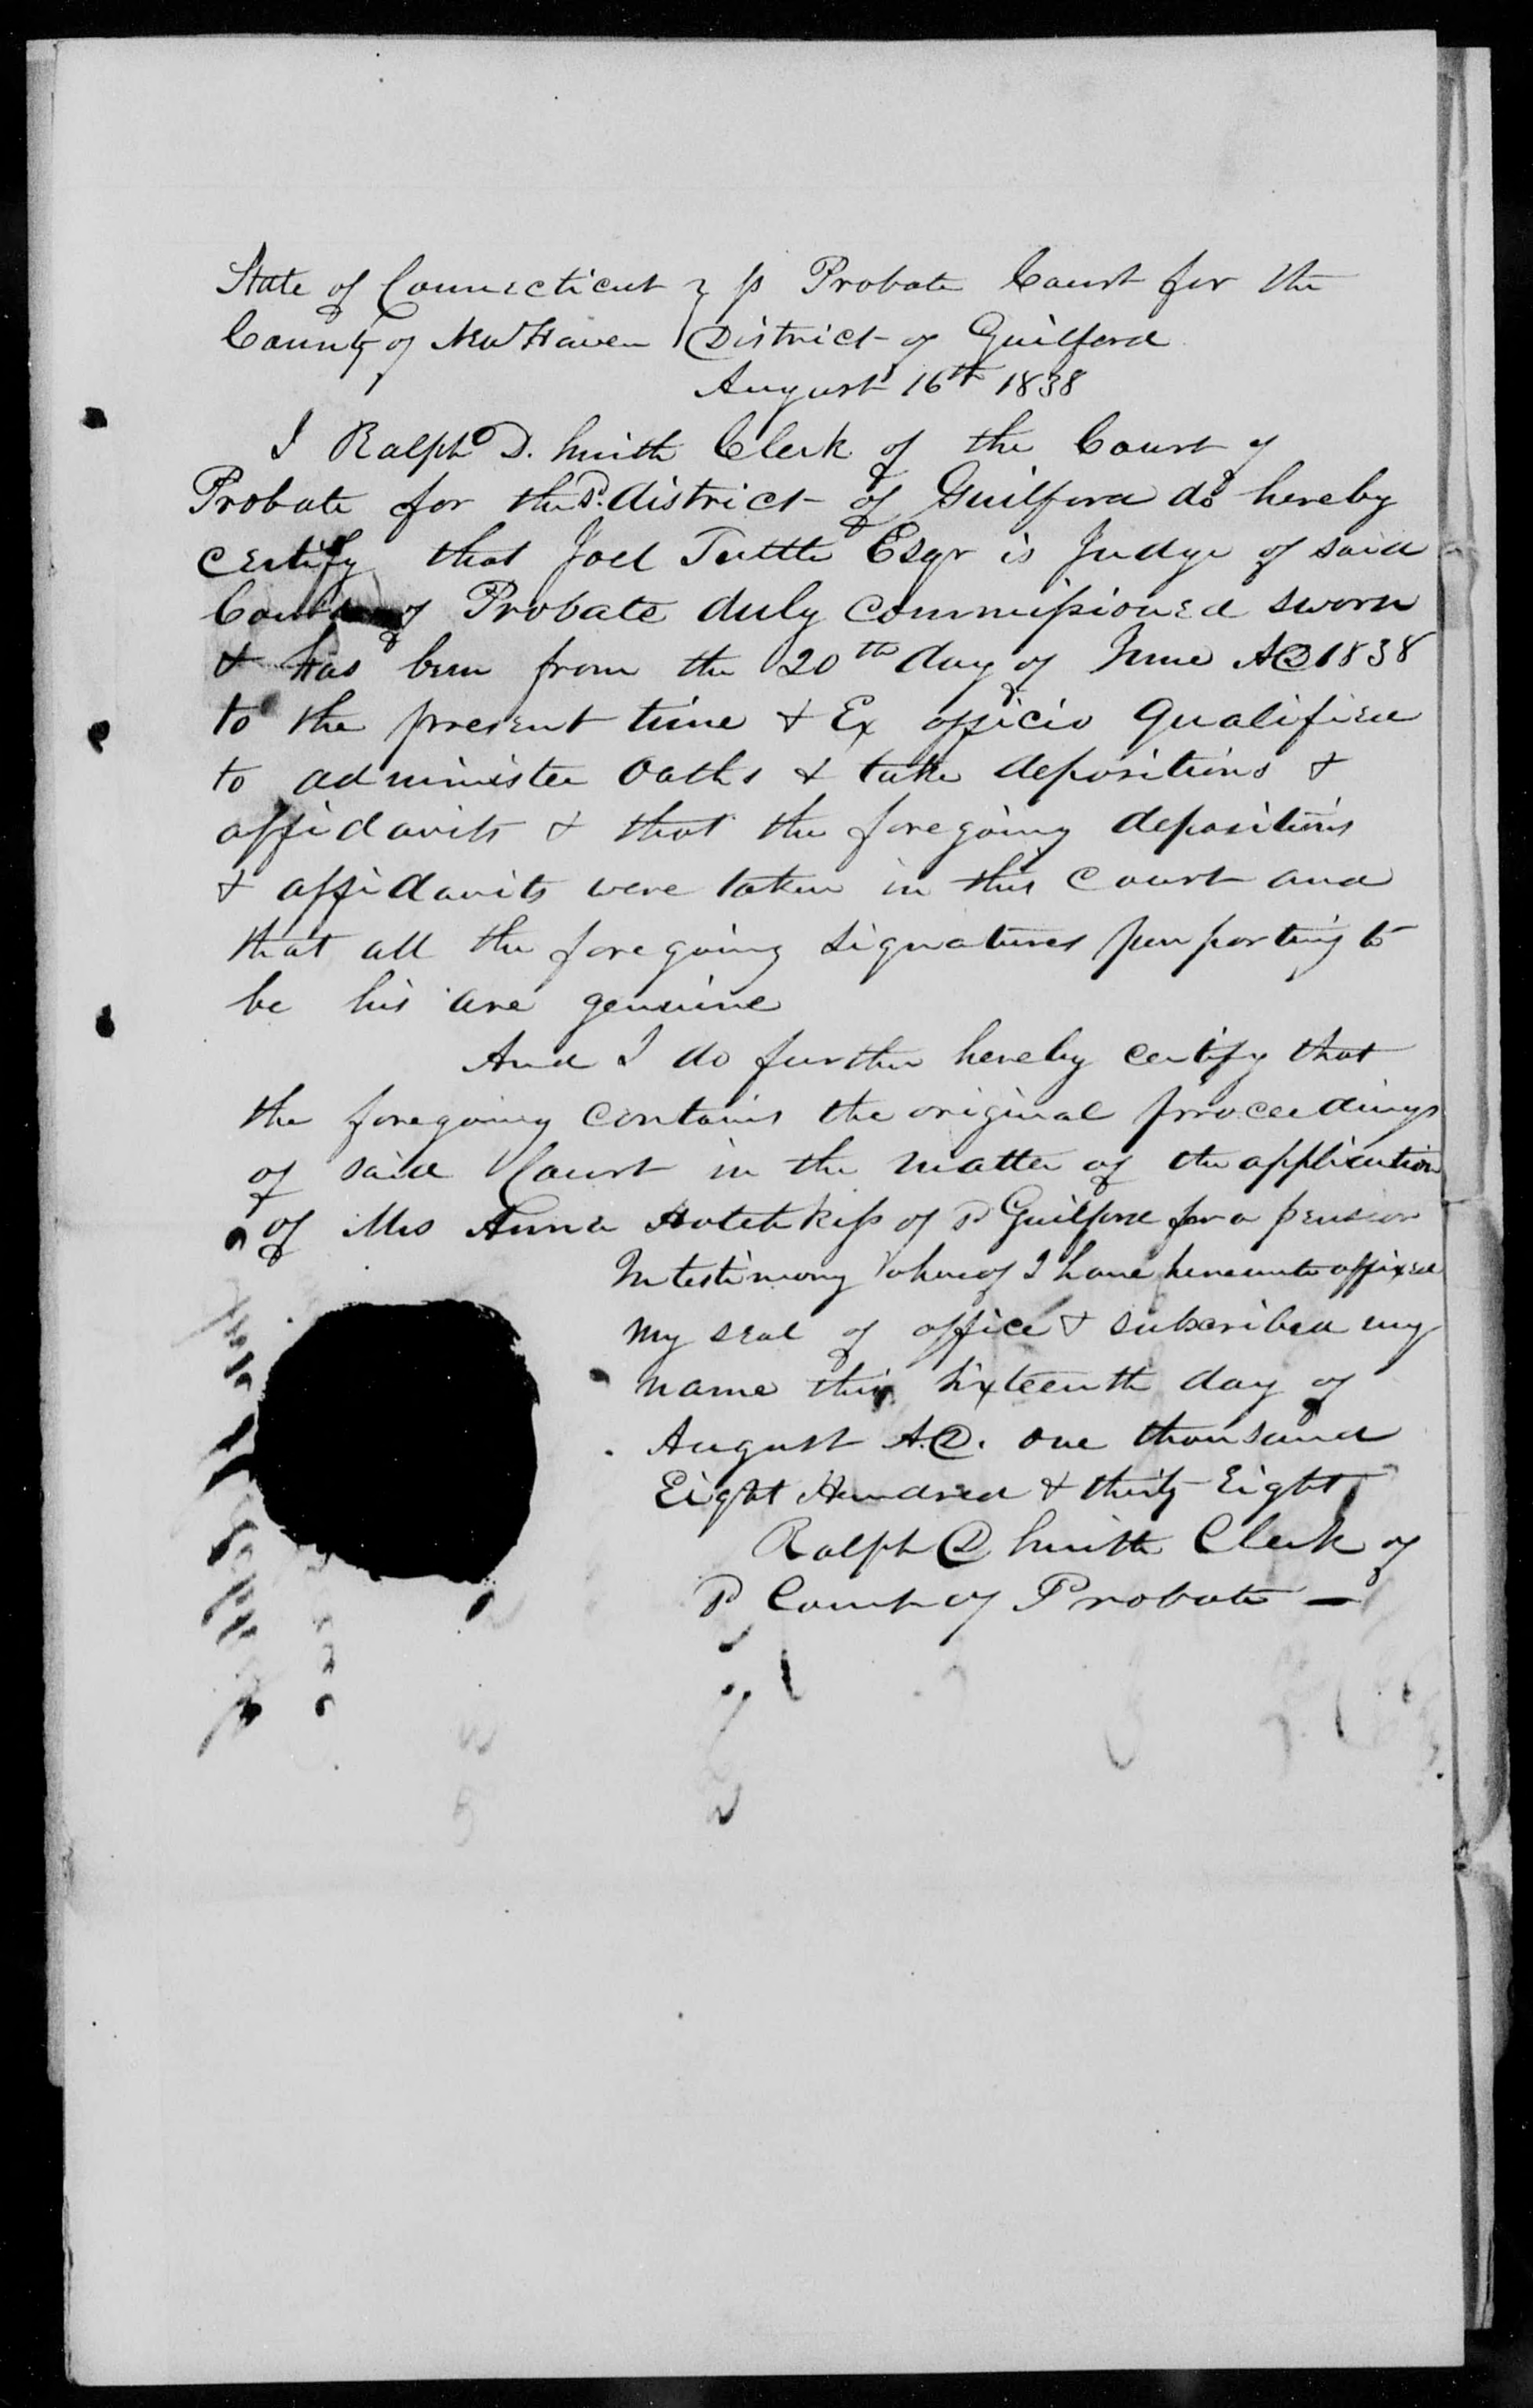[written] State of Connecticut is probate bound for the bounty of ____ have either of Guilford 
August 16th 1838
I Ralph ___ clerk of the court of probate for this district of Guilford as hereby certify that Joel Tette ______ is judge of ____Guilford probate duly _____ sowrn of has been from the 20th day of June A@ 1838 to the administer oath I take ____ and ___and the the June going ____ and affidauit were later in the ___and that all the forgiving [incomplete]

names: Joel Tuttle, Anna Hotchkiss, Ralph D Smith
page: 14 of 25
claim: widow's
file: W. 18,021, Isaac Hotchkiss, Conn.